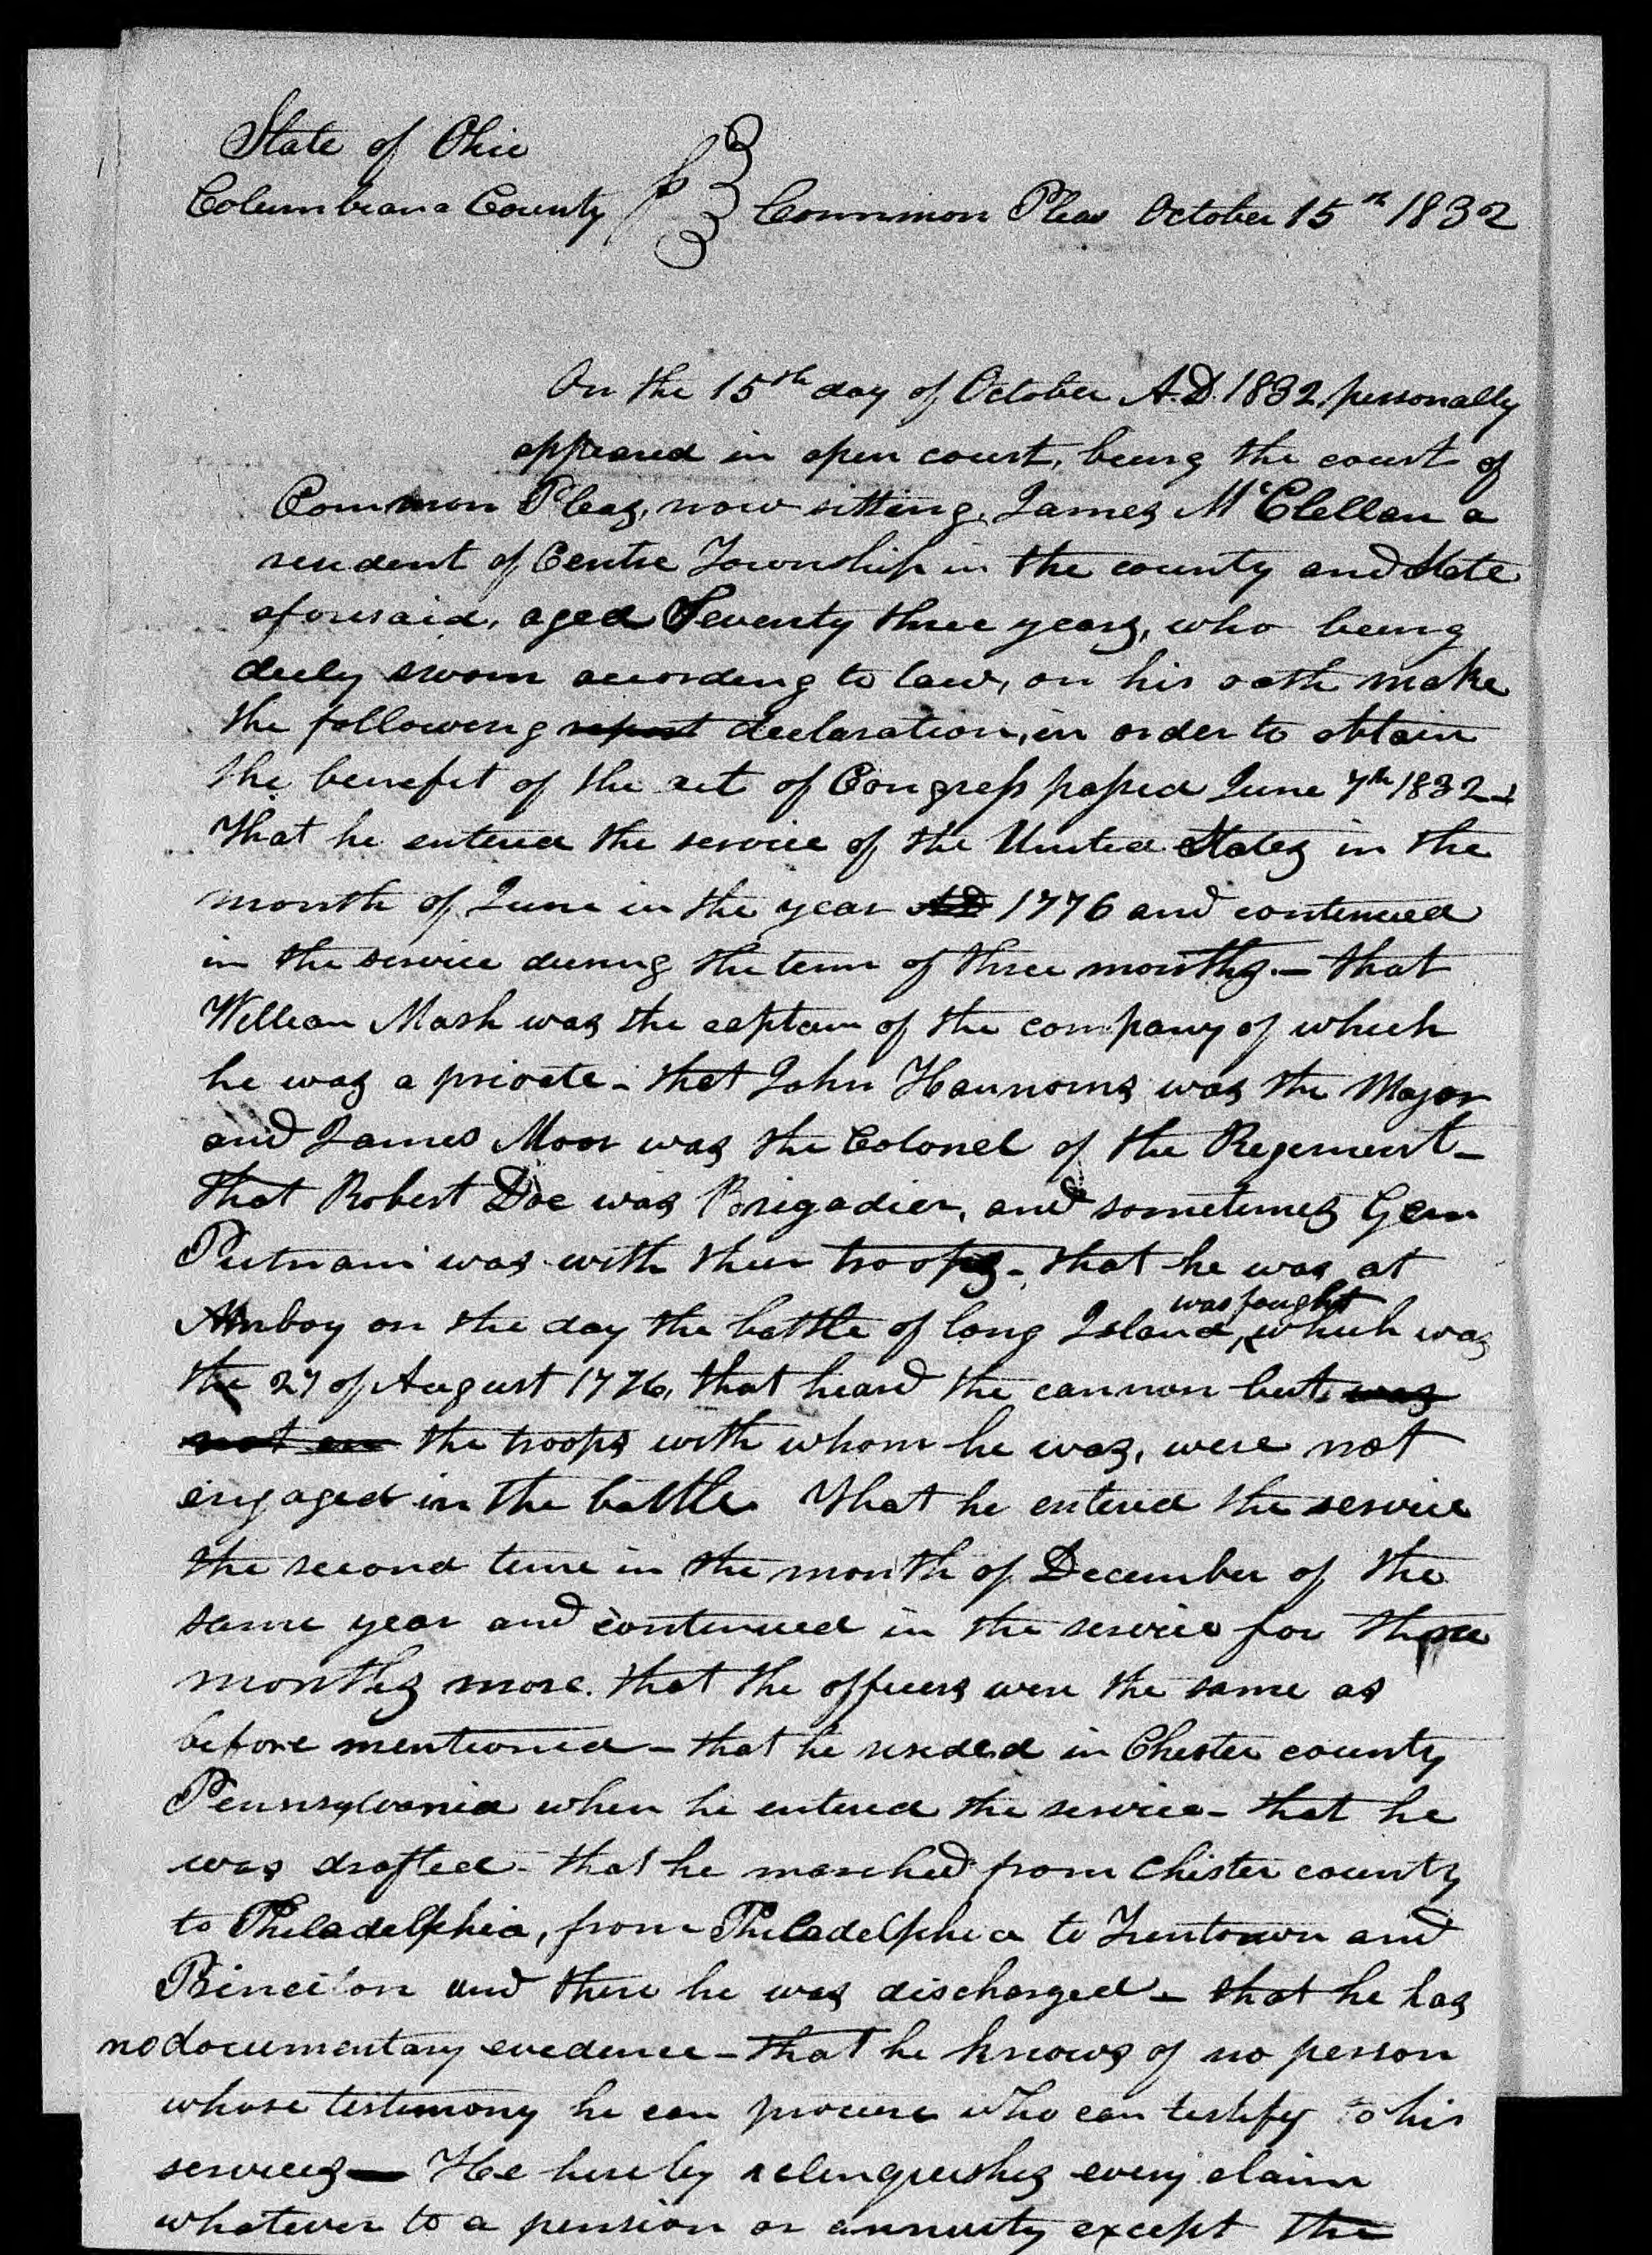State of Ohio
Columbiana County

Common Pleas October 15 1832

On the 15th day of October A.D. 1832 personally appeared in open court, being the court of Common Pleas now sitting, James McClellan a resident of Centre Township in the County and State aforesaid, aged Seventy three years, who being duly sworn according to law, on his oath make the following declaration, in order to obtain the benefit of the act of Congress passed June 7th 1832

That he entered the service of the United States in the month of June in the year AD 1776 and continued
in the service during the term of three months. that William Mash was the captain of the company of which he was a private that John Hannous was the Major and James Moor was the Colonel of the Regiment, that Robert Doe was Brigadier, and sometimes Gen Putnam was with their troops.  that he was at Amboy on the day the battle of Long Island was fought which was the 27 of August 1776; that heard the cannon but the troops with whom he was, were not engaged in the battle.  that he entered the service the second time in the month of December of the same year and continued in the service for three months more. that the officers were the same as before mentioned. that he resided in Chester County Pennsylvania when he entered the service. that he was drafted; that he marched from Chester County to Philadelphia, from Philadelphia to Trenton and Princeton and there he was discharged. that he has no documentary evidence. that he knows of no person whose testimony he can procure who can testify to his services. He hereby relinquishes every claim whatever to a pension or annuity except the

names: James Mc Clellan; Willian Mash; James Moor; John Hannoms; [BLANK] Putnam; Robert Doe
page: 3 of 16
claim: survivor's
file: S. 2764, for James Mc Clellan, Pennsylvania